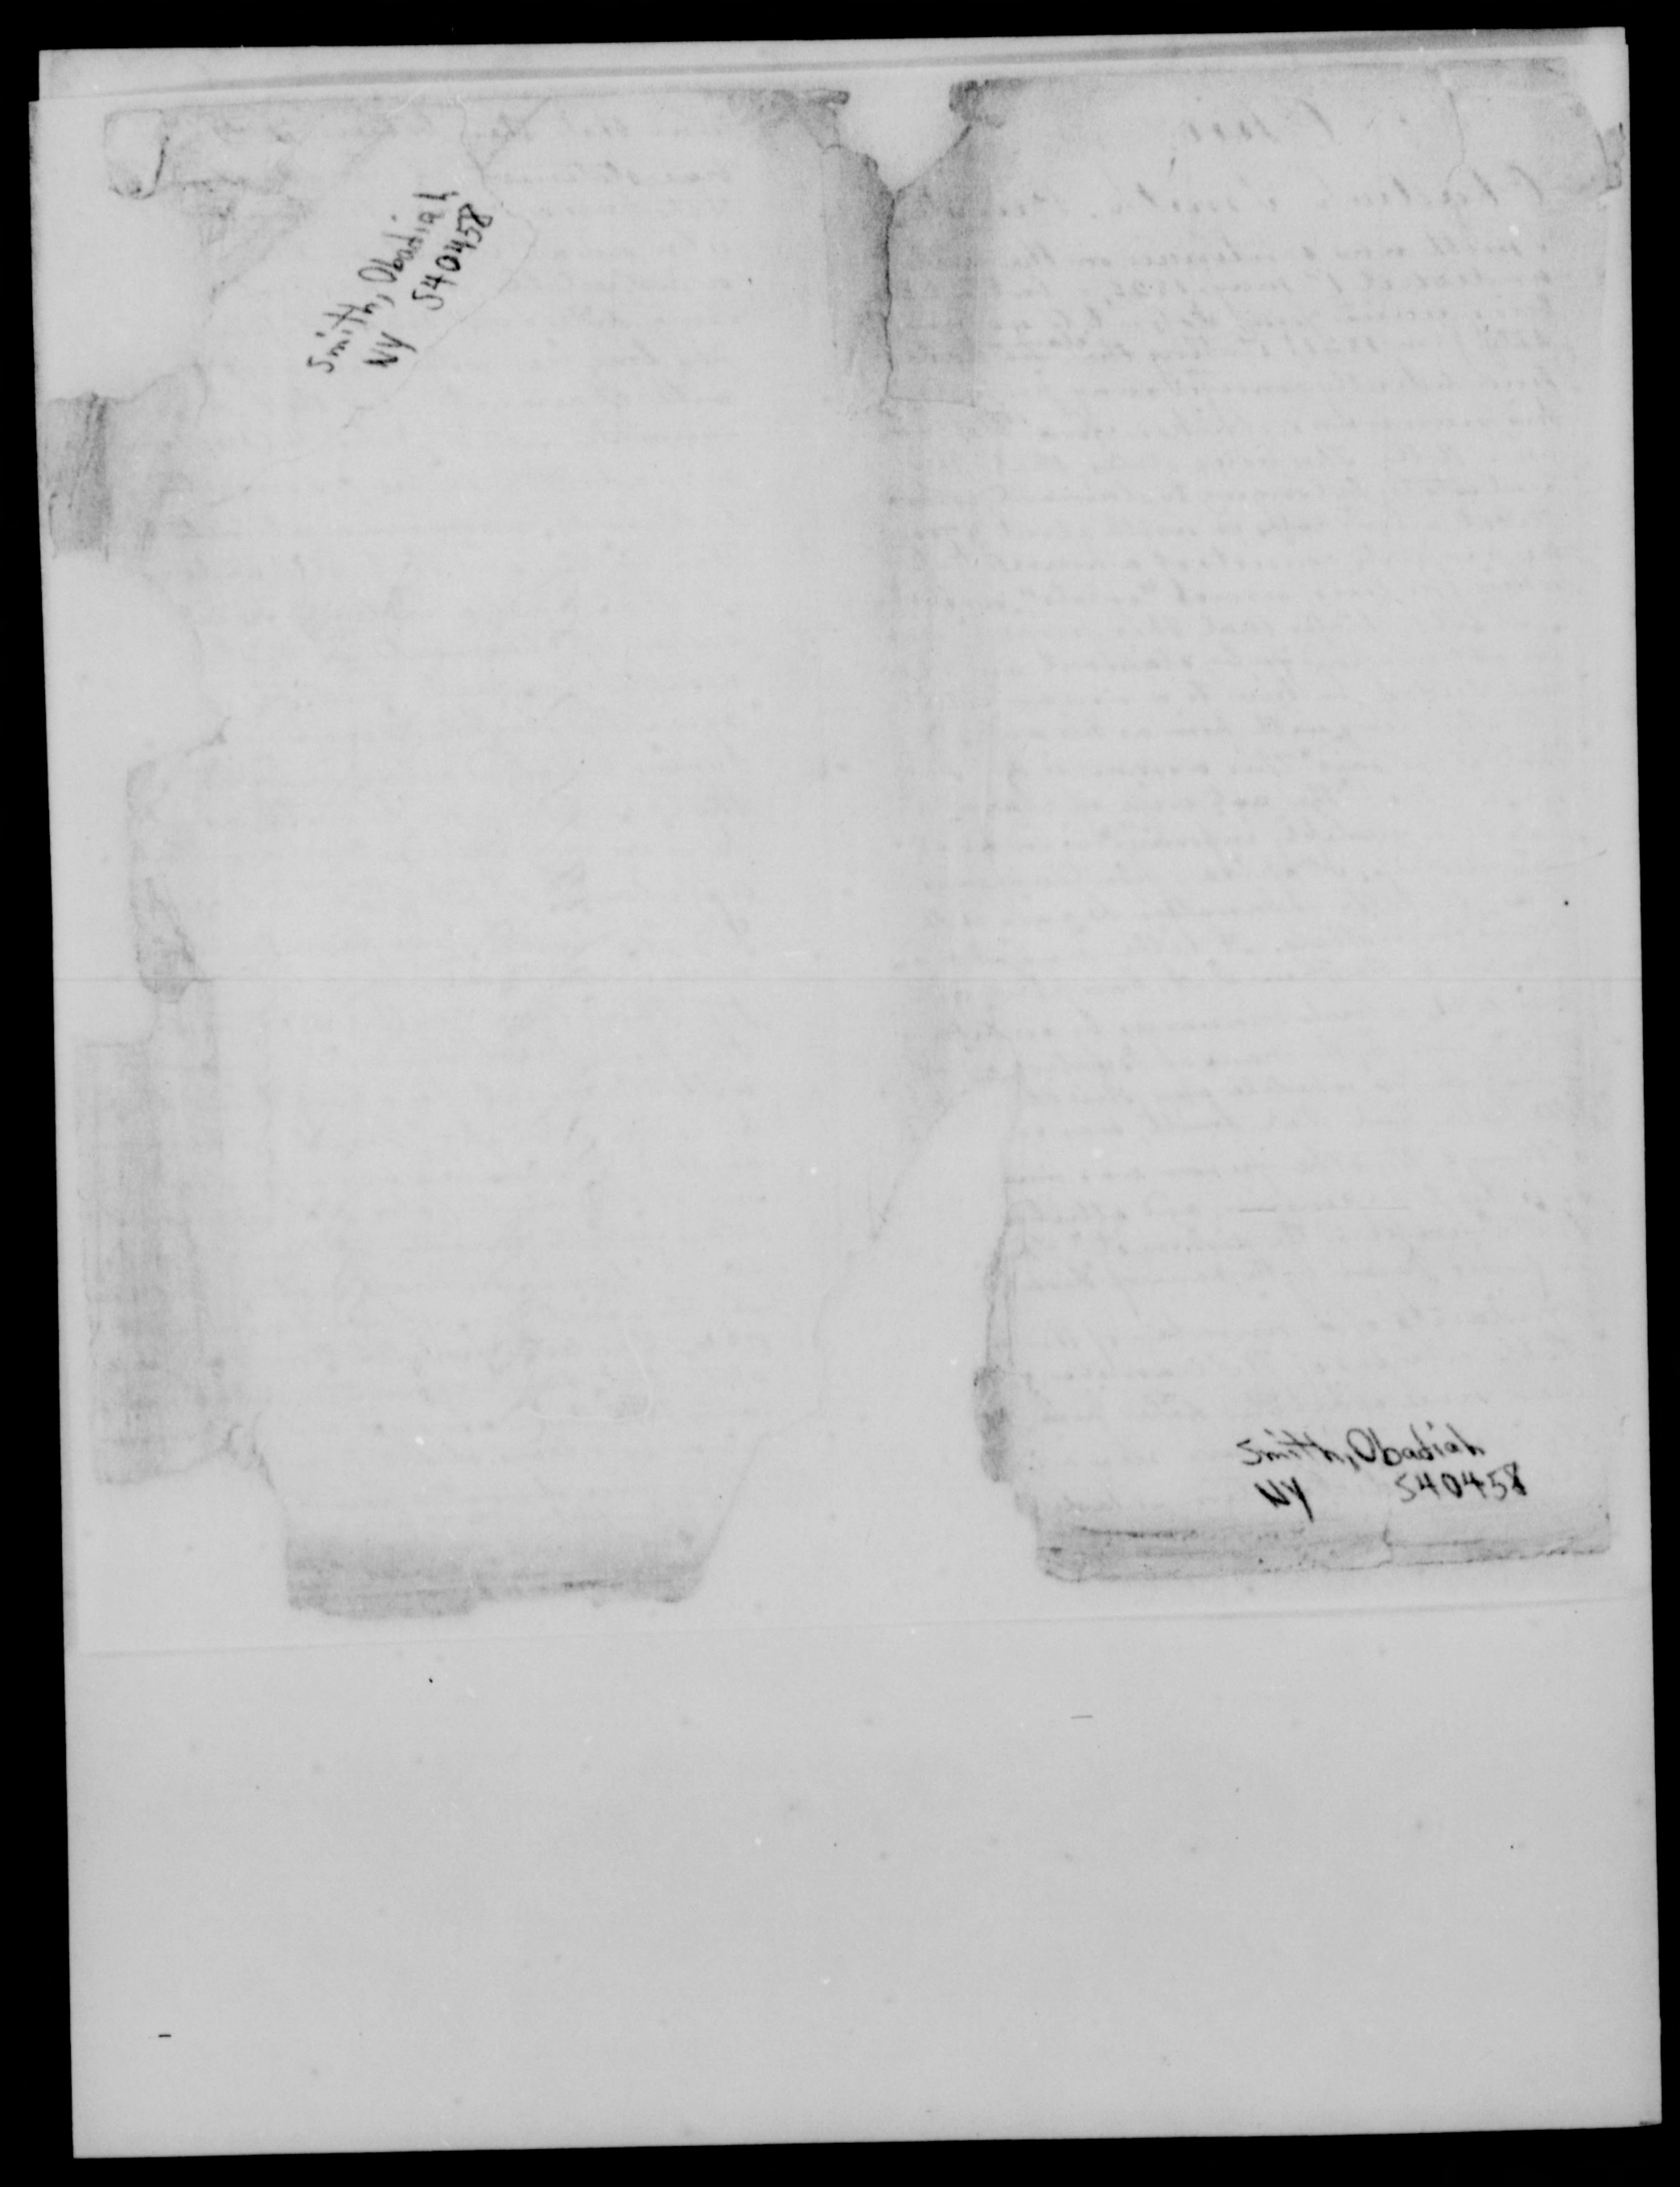Smith, Obadiah, N Y S40458 
Smith, Obadiah N Y S40458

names: Obadiah Smith; Obadiah Smith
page: 16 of 66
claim: survivor's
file: S 40458, for Obadiah Smith, New York